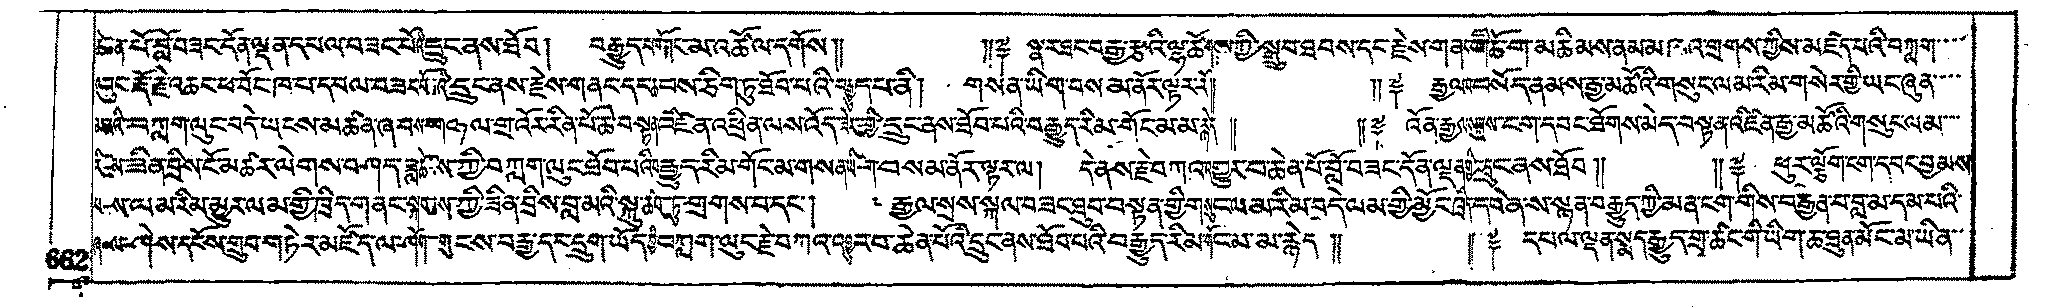ཆེན་པོ་བློ་བཟང་དོན་ལྡན་དཔལ་བཟང་པོའི་དྲུང་ནས་ཐོབ། བརྒྱུད་པ་གོང་མ་འཚོལ་དགོས།། །།འ་སྣར་ཐང་བརྒྱ་རྩའི་ལྷ་ཚོགས་ཀྱི་སྒྲུབ་ཐབས་དང་རྗེས་གནང་གི་ཆོ་ག་མཆིམས་ནམ་མཁའ་གྲགས་ཀྱིས་མཛད་པའི་བཀླག་
ལུང་རྡོ་རྗེ་འཆང་ཕ་བོང་ཁ་པ་དཔལ་བཟང་པོའི་དྲུང་ནས་རྗེས་གནང་དང་ཆབས་ཅིག་ཏུ་ཐོབ་པའི་བརྒྱུད་པ་ནི། གསན་ཡིག་བསམ་ནོར་ལྟར་རོ།། །།འ་རྒྱལ་བ་བསོད་ནམས་རྒྱ་མཚོའི་གསུང་ལམ་རིམ་གསེར་གྱི་ཡང་ཞུན་
མའི་བཀླག་ལུང་བདེ་ཡངས་མཚན་ཞབས་གཉལ་གྲ་འོར་རིན་པོ་ཆེ་བསྟན་འཛིན་འཕྲིན་ལས་འོད་ཟེར་གྱི་དྲུང་ནས་ཐོབ་པའི་བརྒྱུད་རིམ་གོང་མ་མ་རྙེད།། །།འ་འོན་རྒྱལ་སྲས་ངག་དབང་ཐོགས་མེད་བསྟན་འཛིན་རྒྱ་མཚོའི་གསུང་ལམ་
རིམ་ཟིན་བྲིས་ངོ་མཚར་ལེགས་བཤད་ཟླ་ཚེས་ཀྱི་བཀླག་ལུང་ཐོབ་པའི་བརྒྱུད་རིམ་གོང་མ་གསན་ཡིག་བསམ་ནོར་ལྟར་ལ། དེ་ནས་རྗེ་བཀའ་འགྱུར་བ་ཆེན་པོ་བློ་བཟང་དོན་ལྡན་གྱི་དྲུང་ནས་ཐོབ།། །།འ་ཕུར་ལྕོག་ངག་དབང་བྱམས་
པས་ལམ་རིམ་མྱུར་ལམ་གྱི་ཁྲིད་གནང་སྐབས་ཀྱི་ཟིན་བྲིས་བླ་མའི་སྐུ་ཚབ་ཏུ་གྲགས་པ་དང་། ༧རྒྱལ་སྲས་སྐལ་བཟང་ཐུབ་བསྟན་གྱི་གསུང་ལམ་རིམ་བདེ་ལམ་གྱི་མྱོང་ཁྲིད་དབེན་ས་སྙན་བརྒྱུད་ཀྱི་མན་ངག་གིས་བརྒྱན་པ་བླ་མ་དམ་པའི་
ཞལ་ཤེས་དངོས་གྲུབ་གཏེར་མཛོད་ལ་ཤོག་གྲངས་བརྒྱ་དང་དྲུག་ཡོད་ཀྱི་བཀླག་ལུང་རྗེ་བཀའ་འགྱུར་བ་ཆེན་པོའི་དྲུང་ནས་ཐོབ་པའི་བརྒྱུད་རིམ་གོང་མ་མ་རྙེད།། །།འ་དཔལ་ལྡན་སྨད་རྒྱུད་གྲྭ་ཚང་གི་ཡིག་ཆ་ཐུན་མོང་མ་ཡིན་